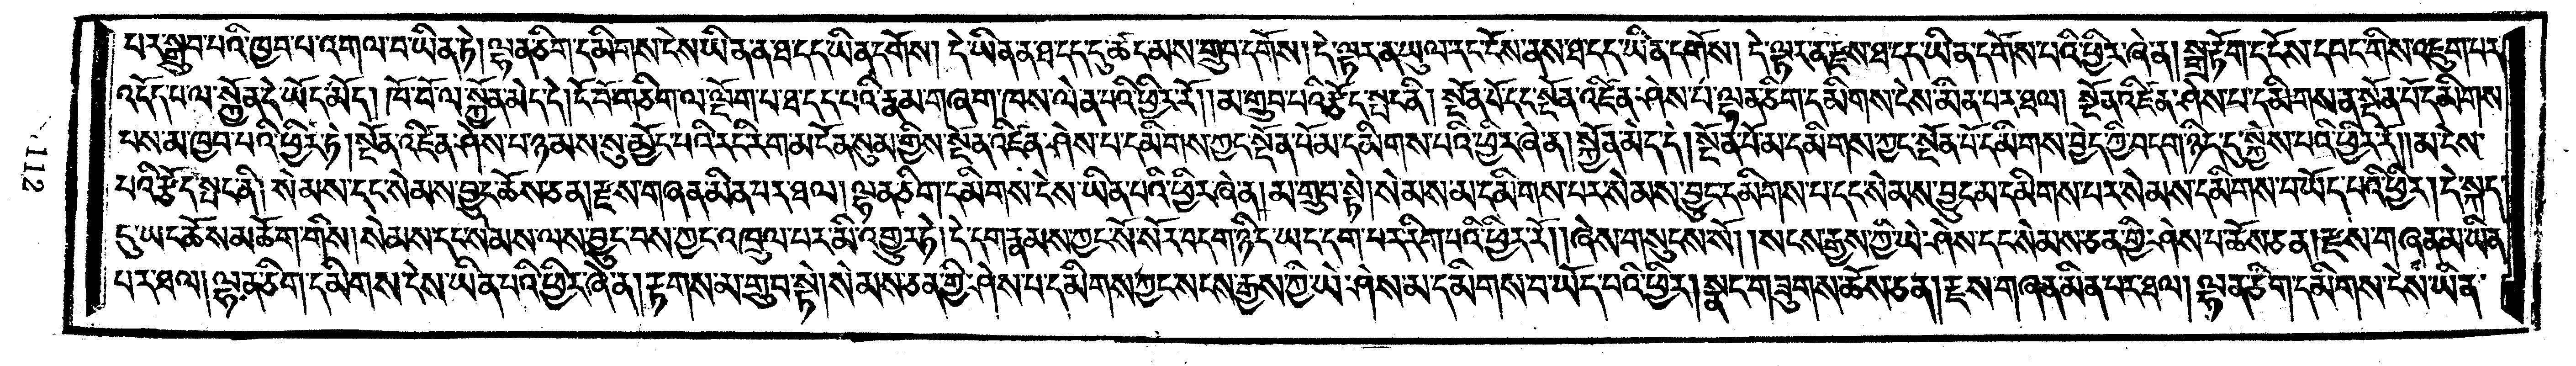པར་སྒྲུབ་པའི་ཁྱབ་པ་འགལ་བ་ཡིན་ཏེ། ལྷན་ཅིག་དམིགས་ངེས་ཡིན་ན་ཐ་དད་ཡིན་དགོས། དེ་ཡིན་ན་ཐ་དད་དུ་ཚད་མས་གྲུབ་དགོས། དེ་ལྟར་ན་ཡུལ་རང་ངོས་ནས་ཐ་དད་ཡིན་དགོས། དེ་ལྟར་ན་རྫས་ཐ་དད་ཡིན་དགོས་པའི་ཕྱིར་ཞེ་ན། སྒྲ་རྟོག་དངོས་དབང་གིས་འཇུག་པར་
འདོད་པ་ལ་སྐྱོན་དེ་ཡོད་མོད། ཁོ་བོ་ལ་སྐྱོན་མེད་དེ། ངོ་བོ་གཅིག་ལ་ལྡོག་པ་ཐ་དད་པའི་རྣམ་གཞག་ཁས་ལེན་པའི་ཕྱིར་རོ། །མ་གྲུབ་པའི་རྩོད་སྤང་ནི། སྔོན་པོ་དང་སྔོན་འཛིན་ཤེས་པ་ལྷན་ཅིག་དམིགས་ངེས་མིན་པར་ཐལ། སྔོན་འཛིན་ཤེས་པ་དམིགས་ན་སྔོན་པོ་དམིགས་
པས་མ་ཁྱབ་པའི་ཕྱིར་ཏེ། སྔོན་འཛིན་ཤེས་པ་ཉམས་སུ་མྱོང་བའི་རང་རིག་མངོན་སུམ་གྱིས་སྔོན་འཛིན་ཤེས་པ་དམིགས་ཀྱང་སྔོན་པོ་མ་དམིགས་པའི་ཕྱིར་ཞེ་ན། སྐྱོན་མེད་དེ། སྔོན་པོ་མ་དམིགས་ཀྱང་སྔོན་པོ་དམིགས་བྱེད་ཀྱི་བདག་ཉིད་དུ་སྐྱེས་པའི་ཕྱིར་རོ། །མ་ངེས་
པའི་རྩོད་སྤང་ནི། སེམས་དང་སེམས་བྱུང་ཆོས་ཅན། རྫས་གཞན་མིན་པར་ཐལ། ལྷན་ཅིག་དམིགས་ངེས་ཡིན་པའི་ཕྱིར་ཞེ་ན། མ་གྲུབ་སྟེ། སེམས་མ་དམིགས་པར་སེམས་བྱུང་དམིགས་པ་དང་སེམས་བྱུང་མ་དམིགས་པར་སེམས་དམིགས་པ་ཡོད་པའི་ཕྱིར། དེ་སྐད་
དུ་ཡང་ཆོས་མཆོག་གིས། སེམས་དང་སེམས་ལས་བྱུང་བས་ཀྱང་འཁྲུལ་བར་མི་འགྱུར་ཏེ། དེ་དག་རྣམས་ཀྱང་སོ་སོར་བདག་ཉིད་ཡང་དག་པར་རིག་པའི་ཕྱིར་རོ། །ཞེས་གསུངས་སོ། །སངས་རྒྱས་ཀྱི་ཡེ་ཤེས་དང་སེམས་ཅན་གྱི་ཤེས་པ་ཆོས་ཅན། རྫས་གཞན་མ་ཡིན་
པར་ཐལ། ལྷན་ཅིག་དམིགས་ངེས་ཡིན་པའི་ཕྱིར་ཞེ་ན། རྟགས་མ་གྲུབ་སྟེ། སེམས་ཅན་གྱི་ཤེས་པ་དམིགས་ཀྱང་སངས་རྒྱས་ཀྱི་ཡེ་ཤེས་མ་དམིགས་པ་ཡོད་པའི་ཕྱིར། སྣང་གཟུགས་ཆོས་ཅན། རྫས་གཞན་མིན་པར་ཐལ། ལྷན་ཅིག་དམིགས་ངེས་ཡིན་